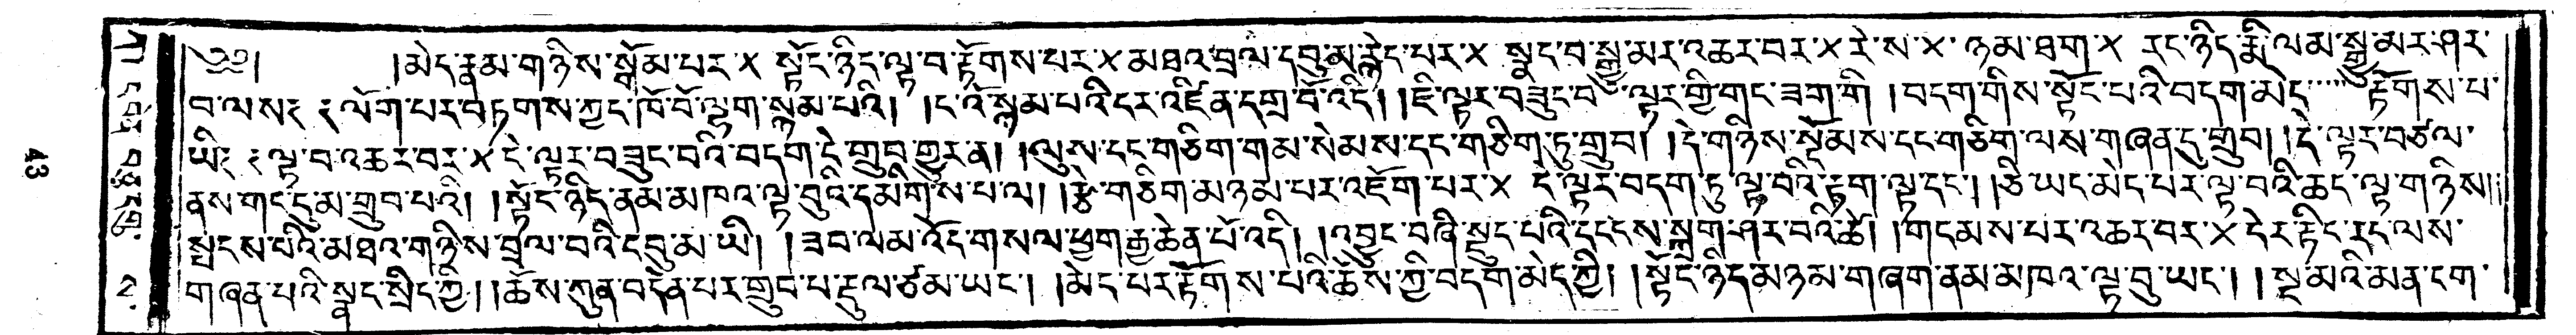༄༅། །མེད་རྣམ་གཉིས་སྒོམ་པར་྾་སྟོང་ཉིད་ལྟ་བ་རྟོགས་པར་྾་མཐའ་བྲལ་དབུ་མ་རྙེད་པར་྾་སྣང་བ་སྒྱུ་མར་འཆར་བར་྾་རེ་ས་྾་ཉམ་ཐག་྾་རང་ཉིད་རྨི་ལམ་སྒྱུ་མར་ཤར་
བ་ལས༑ ༑ལོག་པར་བཏགས་ཀྱང་ཁོ་བོ་ལྷག་སྙམ་པའི། །ང་འོ་སྙམ་པའི་དར་འཛིན་དགྲ་བོ་འདི། །ཇི་ལྟར་བཟུང་བ་ལྟར་གྱི་གང་ཟག་གི །བདག་གིས་སྟོང་པའི་བདག་མེད་རྟོགས་པ་
ཡི༑ ༑ལྟ་བ་འཆར་བར་྾་དེ་ལྟར་བཟུང་བའི་བདག་དེ་གྲུབ་གྱུར་ན། །ལུས་དང་གཅིག་གམ་སེམས་དང་གཅིག་ཏུ་གྲུབ། །དེ་གཉིས་སྡོམས་དང་གཅིག་ལས་གཞན་དུ་གྲུབ། །དེ་ལྟར་བཙལ་
ནས་གང་དུ་མ་གྲུབ་པའི། །སྟོང་ཉིད་ནམ་མཁའ་ལྟ་བུའི་དམིགས་པ་ལ། །རྩེ་གཅིག་མཉམ་པར་འཇོག་པར་྾་དེ་ལྟར་བདག་ཏུ་ལྟ་བའི་རྟག་ལྟ་དང་། །ཅི་ཡང་མེད་པར་ལྟ་བའི་ཆད་ལྟ་གཉིས།།
སྤངས་པའི་མཐའ་གཉིས་བྲལ་བའི་དབུ་མ་ཡི། །ཟབ་ལམ་འོད་གསལ་ཕྱག་རྒྱ་ཆེན་པོ་འདི། །འབྱུང་བཞི་སྡུད་པའི་དང་དངས་སྐྲག་ཤར་བའི་ཚེ། །གདམས་པར་འཆར་བར་྾་དེར་རྟིང་རང་ལས་
གཞན་པའི་སྣང་སྲིད་ཀྱི། །ཆོས་ཀུན་བདེན་པར་གྲུབ་པ་རྡུལ་ཙམ་ཡང་། །མེད་པར་རྟོགས་པའི་ཆོས་ཀྱི་བདག་མེད་ཀྱི། །སྟོང་ཉིད་མཉམ་གཞག་ནམ་མཁའ་ལྟ་བུ་ཡང་། །སྔ་མའི་མན་ངག་